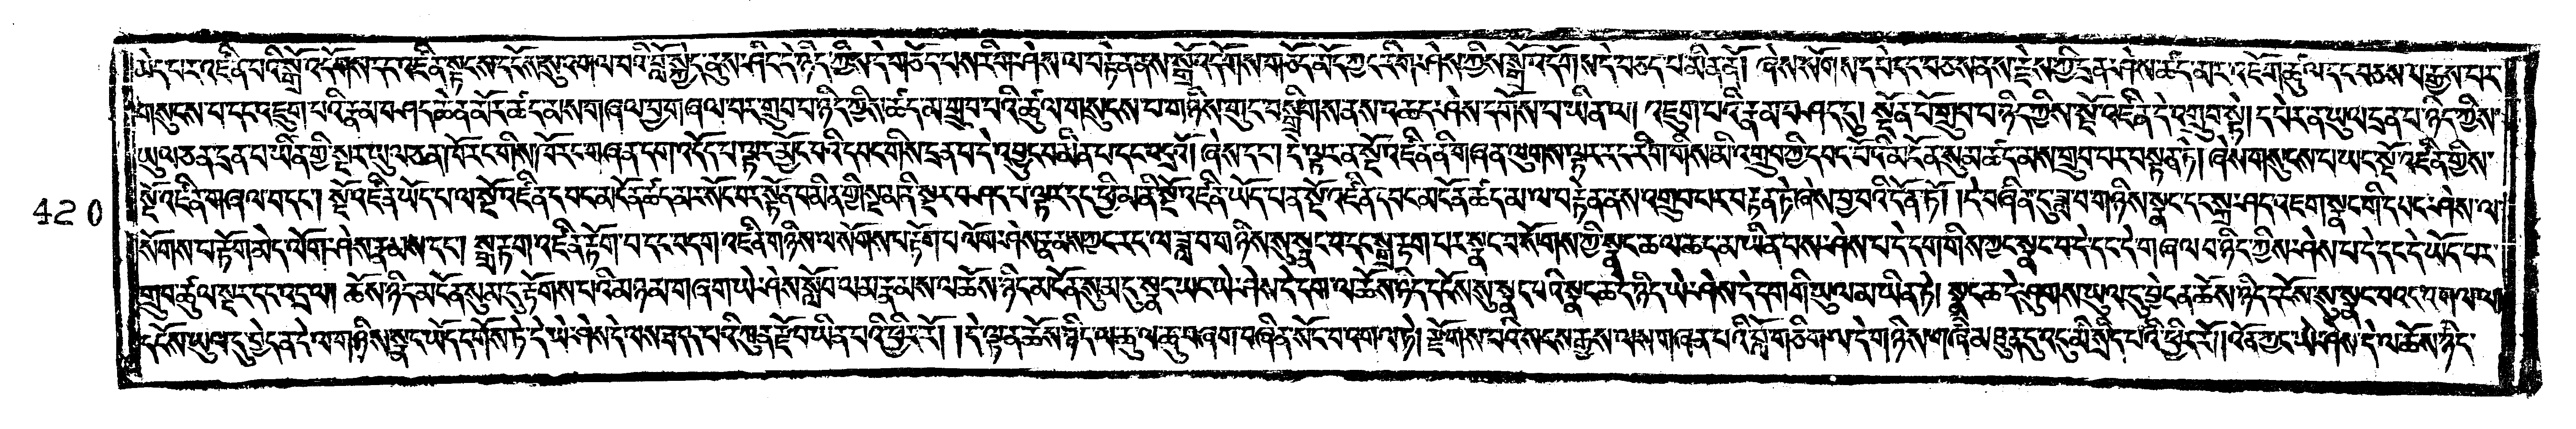མེད་པར་འཛིན་པའི་སྒྲོ་འདོགས་དང་འཛིན་སྟངས་དངོས་སུ་འགལ་བའི་བློ་སྐྱེད་ནུས་ཤིང་དེ་ཉིད་ཀྱིས་དེ་གཅོད་པས་རིག་ཤེས་ལ་བརྟེན་ནས་སྒྲོ་འདོགས་གཅོད་མོད་ཀྱང་རིས་ཤེས་ཀྱིས་སྒྲོ་འདོགས་དེ་བཅད་པ་མིན་ནོ། ཞེས་སོགས་དཔེ་དང་བཅས་ནས་རྗེས་ཀྱི་དྲན་ཤེས་ཚད་མར་འཇོག་ཚུལ་དང་བཅས་པ་རྒྱས་པར་
གསུངས་པ་དང་འཇུག་པའི་རྣམ་བཤད་ཆེན་མོར་ཚད་མས་གཞལ་བྱ་གཞལ་བར་གྲུབ་པ་ཉིད་ཀྱིས་ཚད་མ་གྲུབ་བའི་ཚུལ་གསུངས་པ་གཉིས་གུང་བསྒྲིགས་ནས་འཆད་ཤེས་དགོས་པ་ཡིན་ལ། འཇུག་པའི་རྣམ་བཤད་དུ། སྔོན་པོ་གྲུབ་པ་ཉིད་ཀྱིས་སྔོ་འཛིན་དེ་འགྲུབ་སྟེ། དཔེར་ན་ཡུལ་དྲན་པ་ཉིད་ཀྱིས་
ཡུལ་ཅན་དྲན་བ་ཡིན་གྱི་སྔར་ཡུལ་ཅན་ཁོ་རང་གི་ཁོ་རང་གཞན་དག་འདོད་པ་ལྟར་མྱོང་བའི་དབང་གིས་དྲན་པ་དེ་འབྱུང་བ་མིན་པ་དང་འདྲའོ། ཞེས་དང་། དེ་ལྟར་ན་སྔོ་འཛིན་ནི་གཞན་ལུགས་ལྟར་རང་རིག་གིས་མི་འགྲུབ་ཀྱི་དབང་པོའི་མངོན་སུམ་ཚད་མས་གྲུབ་པར་བསྟན་ཏེ། ཞེས་གསུངས་པ་ཡང་སྔོ་འཛིན་གྱིས་
སྔོ་འཛིན་གཞལ་བ་དང་། སྔོ་འཛིན་ཡོད་པ་ལ་སྔོ་འཛིན་དབང་མངོན་ཚད་མར་སོང་བར་སྟོན་བ་མིན་གྱི་སྔ་མ་ནི་སྔར་བཤད་པ་ལྟར་དང་ཕྱི་མ་ནི་སྔོ་འཛིན་ཡོད་པ་ན་སྔོ་འཛིན་དབང་མངོན་ཚད་མ་ལ་བརྟེན་ནས་འགྲུབ་པར་བརྟན་ཏེ་ཞེས་བྱ་བའི་དོན་ཏོ། །དེ་བཞིན་དུ་ཟླ་བ་གཉིས་སྣང་དང་སྐྲ་ཤད་འཇག་སྣང་གི་དཔང་ཤེས་ལ་
སོགས་བ་རྟོག་མེད་ལོག་ཤེས་རྣམས་དང་། སྒྲ་རྟག་འཛིན་རྟོག་བ་དང་བདག་འཛིན་གཉིས་ལ་སོགས་པ་རྟོག་པ་ལོག་ཤེས་རྣམས་ཀྱང་རང་ལ་ཟླ་བ་གཉིས་སུ་སྣང་བ་དང་སྒྲ་རྟག་པར་སྣང་བ་སོགས་ཀྱི་སྣང་ཆལ་ཆད་མ་ཡིན་པས་ཤེས་པ་དེ་དག་གིས་ཀྱང་སྣང་བདེ་དང་དེ་གཞལ་བ་ཉིད་ཀྱིས་ཤེས་པ་དེ་དང་དེ་ཡོད་པར་
གྲུབ་ཚུལ་སྔར་དང་འདྲ་ལ། ཆོས་ཉིད་མངོན་སུམ་དུ་རྟོགས་པའི་མཉམ་གཞག་ཡེ་ཤེས་སློབ་ལམ་རྣམས་ལ་ཆོས་ཉིད་མངོན་སུམ་དུ་སྣང་ཡང་ཡེ་ཤེས་དེ་དག་ལ་ཆོས་ཉིད་དངོས་སུ་སྣང་བའི་སྣང་ཆ་དེ་ཉིད་ཡེ་ཤེས་དེ་དག་གི་ཡུལ་མ་ཡིན་ཏེ། སྣང་ཆ་དེ་ཤུགས་ཡུལ་དུ་བྱེད་ན་ཆོས་ཉིད་དངོས་སུ་སྣང་བའང་འགལ་ལ་
དངོས་ཡུལ་དུ་བྱེད་ན་དེ་ལ་གཉིས་སྣང་ཡོད་དགོས་ཏེ་དེ་ཡེ་ཤེས་དེ་ལས་ཐ་དད་པའི་ཀུན་རྫོབ་ཡིན་པའི་ཕྱིར་རོ། །དེ་ལྟ་ན་ཆོས་ཉིད་ལ་ཆུ་ལ་ཆུ་བཞག་བཞིན་སོང་བ་འགལ་ཏེ། རྫོགས་པའི་སངས་རྒྱས་ལས་གཞན་བའི་བློ་གཅིག་ལ་དེ་གཉིས་གཞི་མཐུན་དུ་འདུ་མི་སྲིད་པའི་ཕྱིར་རོ། །འོན་ཀྱང་ཡེ་ཤེས་དེ་ལ་ཆོས་ཉིད་